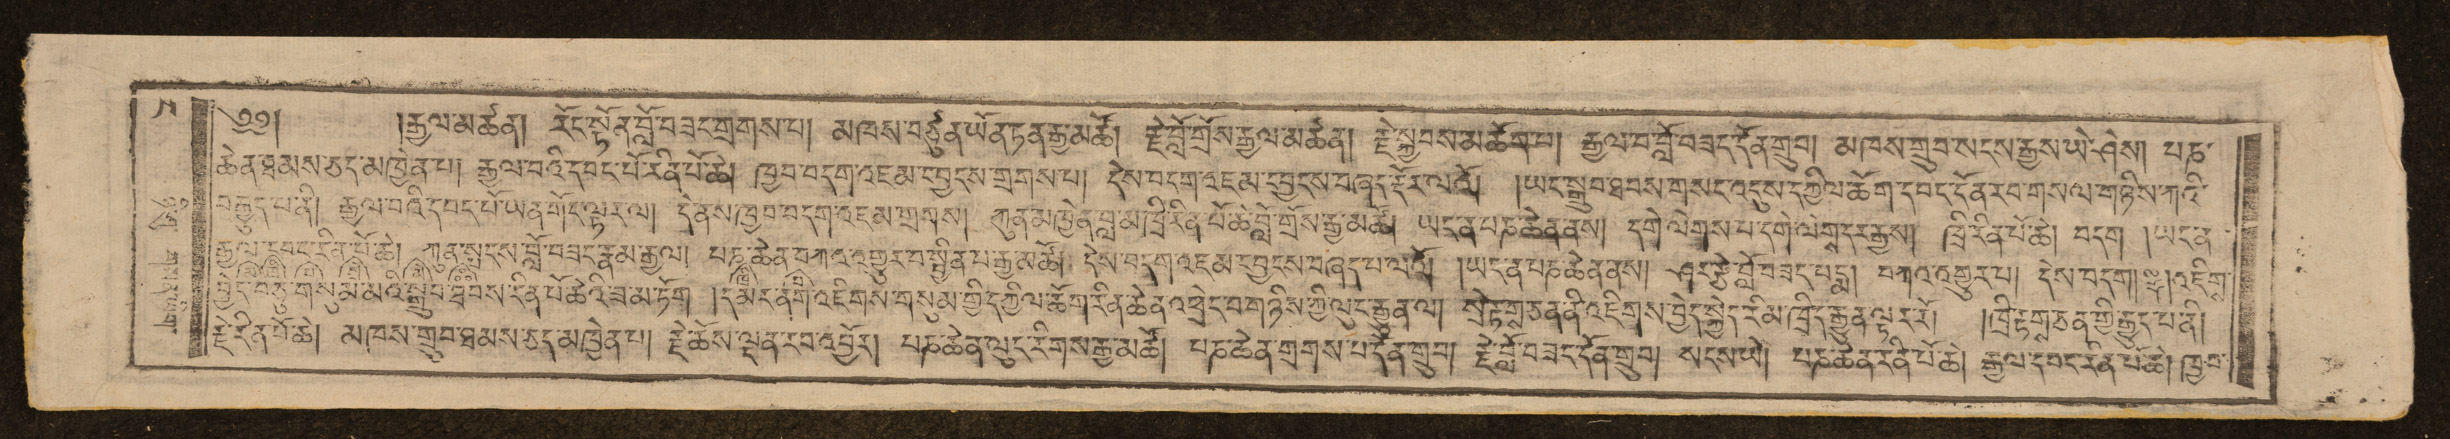༄༅། །རྒྱལ་མཚན། རོང་སྟོན་བློ་བཟང་གྲགས་པ། མཁས་བཙུན་ཡོན་ཏན་རྒྱ་མཚོ། རྗེ་བློ་གྲོས་རྒྱལ་མཚན། རྗེ་སྐྱབས་མཆོག་པ། རྒྱལ་བ་བློ་བཟང་དོན་གྲུབ། མཁས་གྲུབ་སངས་རྒྱས་ཡེ་ཤེས། པཎ་
ཆེན་ཐམས་ཅད་མཁྱེན་པ། རྒྱལ་བའི་དབང་པོ་རིན་པོ་ཆེ། ཁྱབ་བདག་འཇམ་དབྱངས་གྲགས་པ། དེས་བདག་འཇམ་དབྱངས་བཞད་རྡོར་ལའོ། །ཡང་སྒྲུབ་ཐབས་གསང་འདུས་དཀྱིལ་ཆོག་དབང་དོན་རབ་གསལ་གཉིས་ཀའི་
བརྒྱུད་པ་ནི། རྒྱལ་བའི་དབང་པོ་ཡན་གོང་ལྟར་ལ། དེ་ནས་ཁྱབ་བདག་འཇམ་གྲགས། ཀུན་མཁྱེན་བླ་མ་ཁྲི་རིན་པོ་ཆེ་བློ་གྲོས་རྒྱ་མཚོ། ཡང་ན་པཎ་ཆེན་ནས། དགེ་ལེགས་པ་དགེ་ལེགས་དར་རྒྱས། ཁྲི་རིན་པོ་ཆེ། བདག །ཡང་ན་
རྒྱལ་དབང་རིན་པོ་ཆེ། ཀུན་སྤངས་བློ་བཟང་རྣམ་རྒྱལ། པཎ་ཆེན་བཀའ་འགྱུར་བ་སྦྱིན་པ་རྒྱ་མཚོ། དེས་བདག་འཇམ་དབྱངས་བཞད་པ་ལའོ། །ཡང་ན་པཎ་ཆེན་ནས། ཤར་རྩེ་བློ་བཟང་པདམ། བཀའ་འགྱུར་པ། དེས་བདག། ༈ །འཇིག་
བྱེད་བཅུ་གསུམ་མའི་སྒྲུབ་ཐབས་རིན་པོ་ཆེའི་ཟ་མ་ཏོག །དམར་ནག་འཇིགས་གསུམ་གྱི་དཀྱིལ་ཆོག་རིན་ཆེན་འཕྲེང་བ་གཉིས་ཀྱི་ལུང་རྒྱུན་ལ། སྲེ་རྟགས་ཅན་ནི་འཇིགས་བྱེད་སྐྱེད་རིམ་ཁྲིད་རྒྱུན་ལྟར་རོ། །ཁྲི་རྟགས་ཅན་གྱི་རྒྱུད་པ་ནི།
རྗེ་རིན་པོ་ཆེ། མཁས་གྲུབ་ཐམས་ཅད་མཁྱེན་པ། རྗེ་ཆོས་ལྡན་རབ་འབྱོར། པཎ་ཆེན་ལུང་རིགས་རྒྱ་མཚོ། པཎ་ཆེན་གྲགས་པ་དོན་གྲུབ། རྗེ་བློ་བཟང་དོན་གྲུབ། སངས་ཡེ། པཎ་ཆེན་རིན་པོ་ཆེ། རྒྱལ་དབང་རིན་པོ་ཆེ། ཁྱབ་